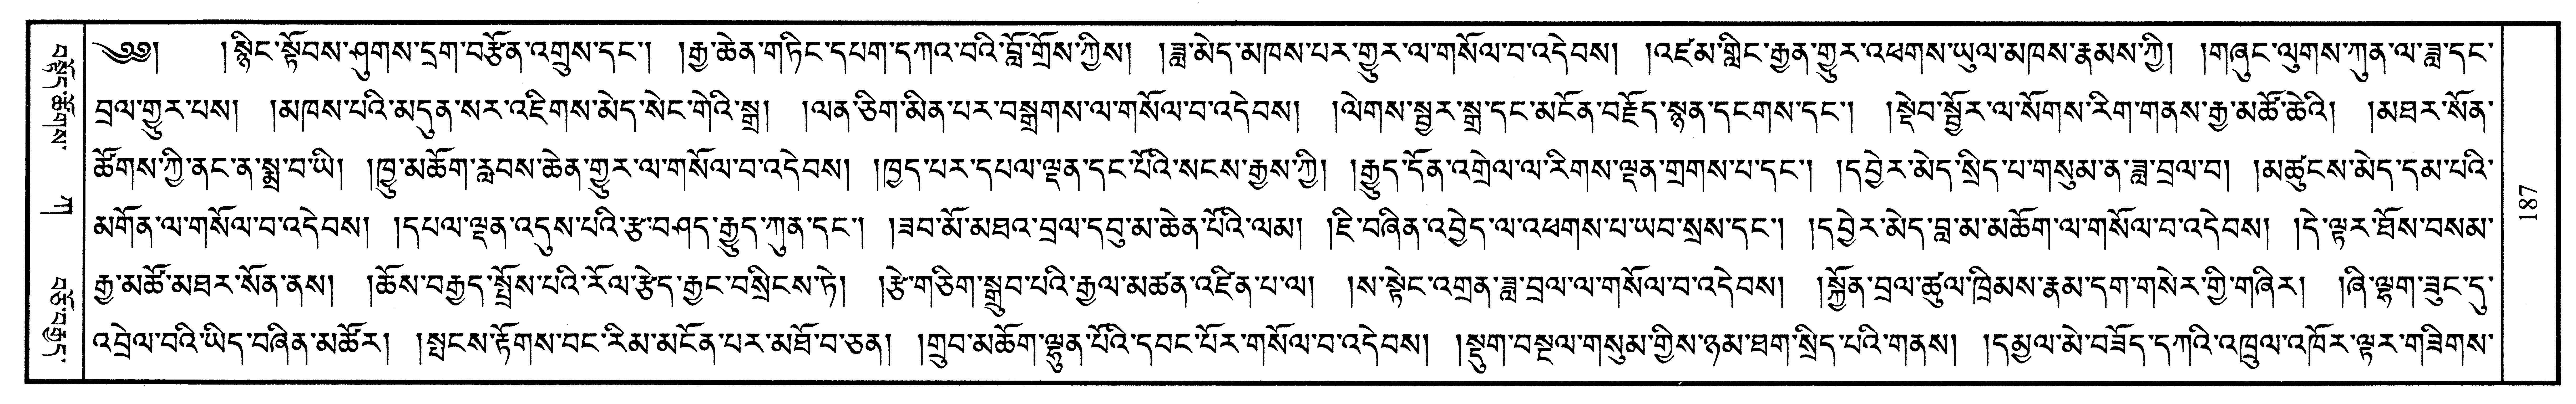༄༅། །སྙིང་སྟོབས་ཤུགས་དྲག་བརྩོན་འགྲུས་དང་། །རྒྱ་ཆེན་གཏིང་དཔག་དཀའ་བའི་བློ་གྲོས་ཀྱིས། །ཟླ་མེད་མཁས་པར་གྱུར་ལ་གསོལ་བ་འདེབས། །འཛམ་གླིང་རྒྱན་གྱུར་འཕགས་ཡུལ་མཁས་རྣམས་ཀྱི། །གཞུང་ལུགས་ཀུན་ལ་ཟླ་དང་
བྲལ་གྱུར་པས། །མཁས་པའི་མདུན་སར་འཇིགས་མེད་སེང་གེའི་སྒྲ། །ལན་ཅིག་མིན་པར་བསྒྲགས་ལ་གསོལ་བ་འདེབས། །ལེགས་སྦྱར་སྒྲ་དང་མངོན་བརྗོད་སྙན་དངགས་དང་། །སྡེབ་སྦྱོར་ལ་སོགས་རིག་གནས་རྒྱ་མཚོ་ཆེའི། །མཐར་སོན་
ཚོགས་ཀྱི་ནང་ན་སྨྲ་བ་ཡི། །ཁྱུ་མཆོག་རླབས་ཆེན་གྱུར་ལ་གསོལ་བ་འདེབས། །ཁྱད་པར་དཔལ་ལྡན་དང་པོའི་སངས་རྒྱས་ཀྱི། །རྒྱུད་དོན་འགྲེལ་ལ་རིགས་ལྡན་གྲགས་པ་དང་། །དབྱེར་མེད་སྲིད་པ་གསུམ་ན་ཟླ་བྲལ་བ། །མཚུངས་མེད་དམ་པའི་
མགོན་ལ་གསོལ་བ་འདེབས། །དཔལ་ལྡན་འདུས་པའི་རྩ་བཤད་རྒྱུད་ཀུན་དང་། །ཟབ་མོ་མཐའ་བྲལ་དབུ་མ་ཆེན་པོའི་ལམ། །ཇི་བཞིན་འབྱེད་ལ་འཕགས་པ་ཡབ་སྲས་དང་། །དབྱེར་མེད་བླ་མ་མཆོག་ལ་གསོལ་བ་འདེབས། །དེ་ལྟར་ཐོས་བསམ་
རྒྱ་མཚོ་མཐར་སོན་ནས། །ཆོས་བརྒྱད་སྤྲོས་པའི་རོལ་རྩེད་རྒྱང་བསྲིངས་ཏེ། །རྩེ་གཅིག་སྒྲུབ་པའི་རྒྱལ་མཚན་འཛིན་པ་ལ། །ས་སྟེང་འགྲན་ཟླ་བྲལ་ལ་གསོལ་བ་འདེབས། །སྐྱོན་བྲལ་ཚུལ་ཁྲིམས་རྣམ་དག་གསེར་གྱི་གཞིར། །ཞི་ལྷག་ཟུང་དུ་
འབྲེལ་བའི་ཡིད་བཞིན་མཚོར། །སྤངས་རྟོགས་བང་རིམ་མངོན་པར་མཐོ་བ་ཅན། །གྲུབ་མཆོག་ལྷུན་པོའི་དབང་པོར་གསོལ་བ་འདེབས། །སྡུག་བསྔལ་གསུམ་གྱིས་ཉམ་ཐག་སྲིད་པའི་གནས། །དམྱལ་མེ་བཟོད་དཀའི་འཁྲུལ་འཁོར་ལྟར་གཟིགས་